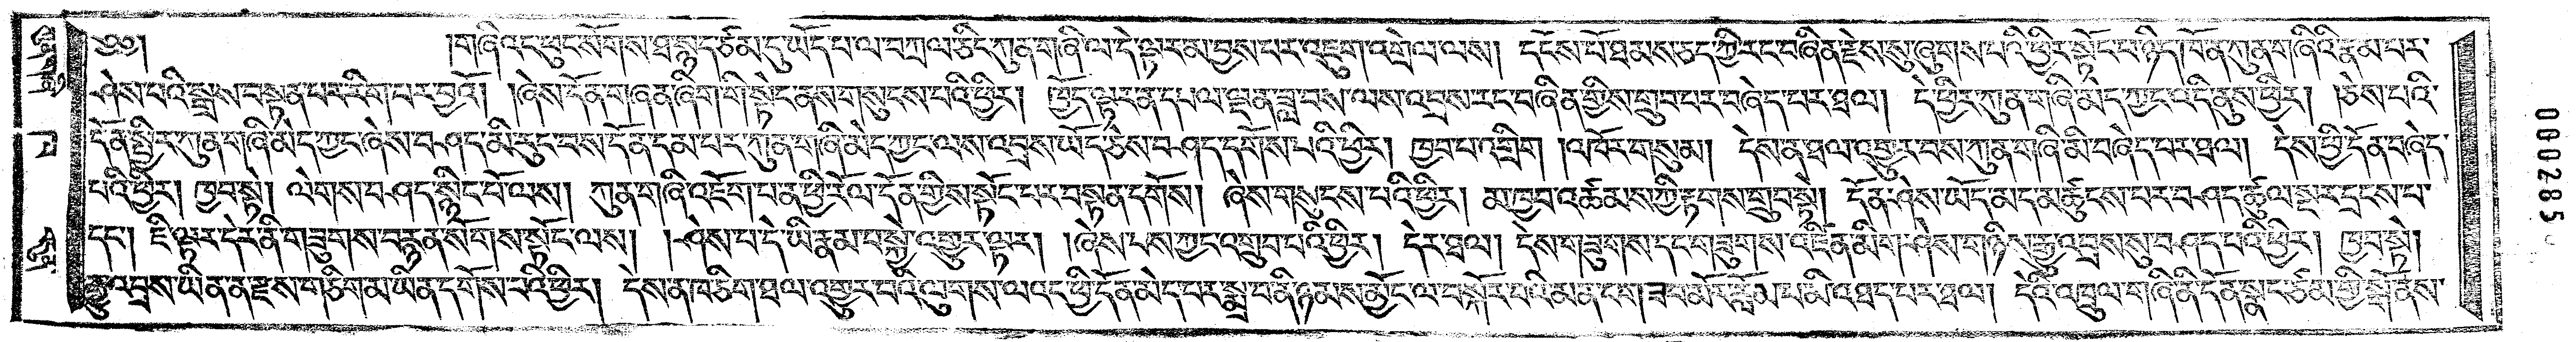༄༅། །གཞིའང་ཕུང་སོགས་ཐ་སྙད་ཙམ་དུ་ཡོད་པ་ལ་བཀྲལ་ཅིང་ཀུན་གཞི་ལ་དེ་ལྟར་མ་བྱས་པར་འཇུག་འགྲེལ་ལས། དངོས་པོ་ཐམས་ཅད་ཀྱི་རང་བཞིན་རྗེས་སུ་ཞུགས་པའི་ཕྱིར་སྟོང་པ་ཉིད་ཁོ་ན་ཀུན་གཞིའི་རྣམ་པར་
ཤེས་པའི་སྒྲས་བསྟན་པར་རིག་པར་བྱའོ། །ཞེས་དོན་གཞན་ཞིག་གི་སྟེང་ནས་གསུངས་པའི་ཕྱིར། ཁྱོད་ལྟར་ན་དཔལ་ལྡན་ཟླ་བས་ལས་འབྲས་རང་བཞིན་གྱིས་གྲུབ་པར་བཞེད་པར་ཐལ། དེ་ཕྱིར་ཀུན་གཞི་མེད་ཀྱང་འདི་ནུས་ཕྱིར། །ཅེས་པའི་
དོན་སྤྱིར་ཀུན་གཞི་མེད་ཀྱང་ཞེས་བཤད་མི་རུང་བས་དོན་དམ་པར་ཀུན་གཞི་མེད་ཀྱང་ལས་འབྲས་ཡོད་ཅེས་བཤད་དགོས་པའི་ཕྱིར། ཁྱབ་པ་འགྲིག །འཁོར་གསུམ། དེས་ན་ཐལ་འགྱུར་བས་ཀུན་གཞི་མི་བཞེད་པར་ཐལ། དེས་ཕྱི་དོན་བཞེད་
པའི་ཕྱིར། ཁྱབ་སྟེ། ལེགས་བཤད་སྙིང་པོ་ལས། ཀུན་གཞི་འཇོག་པ་ན་ཕྱི་རོལ་དོན་གྱིས་སྟོང་པར་བསྟན་དགོས། ཞེས་གསུངས་པའི་ཕྱིར། མ་ཁྱབ་འཚམས་ཀྱི་རྟགས་གྲུབ་སྟེ། དོན་ཤེས་ཡོད་མད་མཚུངས་བར་བཤད་ཚུལ་སྔར་དྲངས་པ་
དང་། ཇི་ལྟར་དེར་ནི་གཟུགས་བརྙན་སོགས་སྟོང་ལས། །ཤེས་པ་དེ་ཡི་རྣམ་པ་སྐྱེ་འགྱུར་ལྟག །ཞེས་པས་ཀྱང་འགྲུབ་པའི་ཕྱིར། དེར་ཐལ། དེས་གཟུགས་དང་གཟུགས་འཛིན་མིག་ཤེས་གཉིས་རྒྱུ་འབྲས་སུ་བཤད་པའི་ཕྱིར། ཁྱབ་སྟེ།
རྒྱུ་འབྲས་ཡིན་ན་རྫས་གཅིག་མ་ཡིན་དགོས་པའི་ཕྱིར། དེས་ན་ཁ་ཅིག་ཐལ་འགྱུར་བའི་ལུགས་ལའང་ཕྱི་དོན་མེད་པར་སྨྲ་བ་ནི་ཉམས་མྱོང་ལ་བསྐོར་བའི་མན་ངག་ཟབ་མོར་རློམ་པ་མི་འཐད་པར་ཐལ། དེའི་འཁྲུལ་གཞི་ནི་དོན་སྣང་ཙམ་གྱི་སྒོ་ནས་